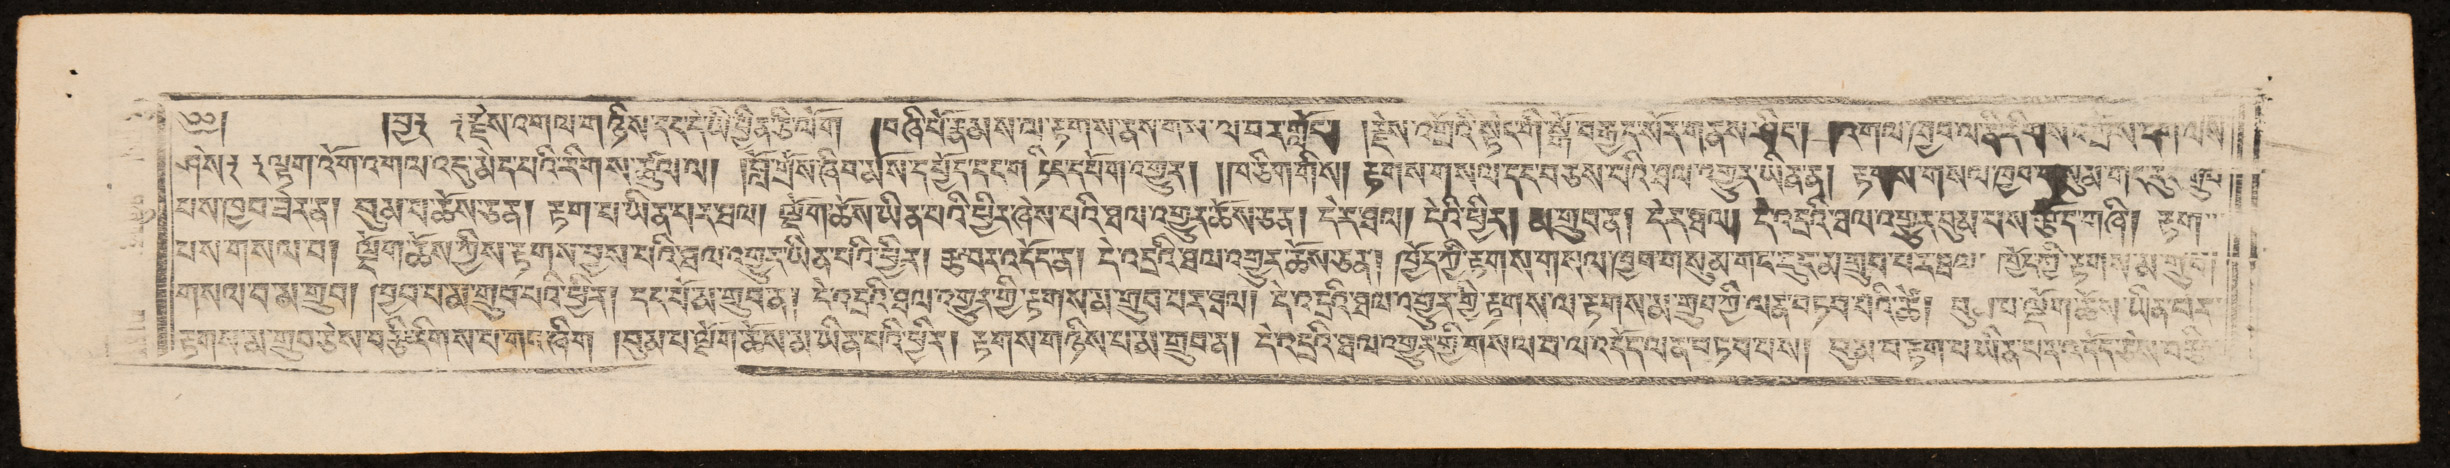༄༅། །བྱ། །རྗེས་འགལ་གཉིས་དང་དེ་ཡི་ཕྱིན་ཅི་ལོག །བཞི་པོ་རྣམས་ལ་རྟགས་ནས་གསལ་བར་གློང་། །རྗེས་འགྲོའི་སྟེང་གི་སྒོ་བརྒྱད་སོར་གནས་ཤིང་། །འགལ་ཁྱབ་ལ་ནི་རིགས་འགྲོས་དག་ལས་
ཤེས། །ལྟག་འོག་འགལ་འདུ་མེད་པའི་རིགས་ཚུལ་ལ། །བློ་གྲོས་ཞི་བ་མོས་དཔྱོད་དང་གཏིང་དཔོག་འགྱུར། །ཁ་ཅིག་གིས། རྟག་གསལ་དང་བཅས་པའི་ཐལ་འགྱུར་ཡིན་ན། རྟགས་གསལ་ཁྱབ་གསུམ་གང་རུང་གྲུབ་
པས་ཁྱབ་ཟེར་ན། བུམ་པ་ཆོས་ཅན། རྟག་པ་ཡིན་པར་ཐལ། ལྡོག་ཆོས་ཡིན་པའི་ཕྱིར་ཞེས་པའི་ཐལ་འགྱུར་ཆོས་ཅན། དེར་ཐལ། དེའི་ཕྱིར། མ་གྲུབ་ན། དེར་ཐལ། དེ་འདྲའི་ཐལ་འགྱུར་བུམ་པས་རྩོད་གཞི། རྟག་
པས་གསལ་བ། ལྡོག་ཆོས་ཀྱིས་རྟགས་བྱས་པའི་ཐལ་འགྱུར་ཡིན་པའི་ཕྱིར། རྩ་བར་འདོད་ན། དེ་འདྲའི་ཐལ་འགྱུར་ཆོས་ཅན། ཁྱོད་ཀྱི་རྟགས་གསལ་ཁྱབ་གསུམ་གང་རུང་མ་གྲུབ་པར་ཐལ། ཁྱོད་ཀྱི་རྟགས་མ་གྲུབ།
གསལ་བ་མ་གྲུབ། ཁྱབ་པ་མ་གྲུབ་པའི་ཕྱིར། དང་པོ་མ་གྲུབ་ན། དེ་འདྲའི་ཐལ་འགྱུར་གྱི་རྟགས་མ་གྲུབ་པར་ཐལ། དེ་འདྲའི་ཐལ་འགྱུར་གྱི་རྟགས་ལ་རྟགས་མ་གྲུབ་ཀྱི་ལན་བཏབ་པའི་ཚེ། བུམ་པ་ལྡོག་ཆོས་ཡིན་པར་
རྟགས་མ་གྲུབ་ཅེས་བརྩི་རིགས་པ་གང་ཞིག །བུམ་པ་ལྡོག་ཆོས་མ་ཡིན་པའི་ཕྱིར། རྟགས་གཉིས་པ་མ་གྲུབ་ན། དེ་འདྲའི་ཐལ་འགྱུར་གྱི་གསལ་བ་ལ་འདོད་ལན་བཏབ་པས། བུམ་པ་རྟག་པ་ཡིན་པར་འདོད་ཅེས་བརྩི་